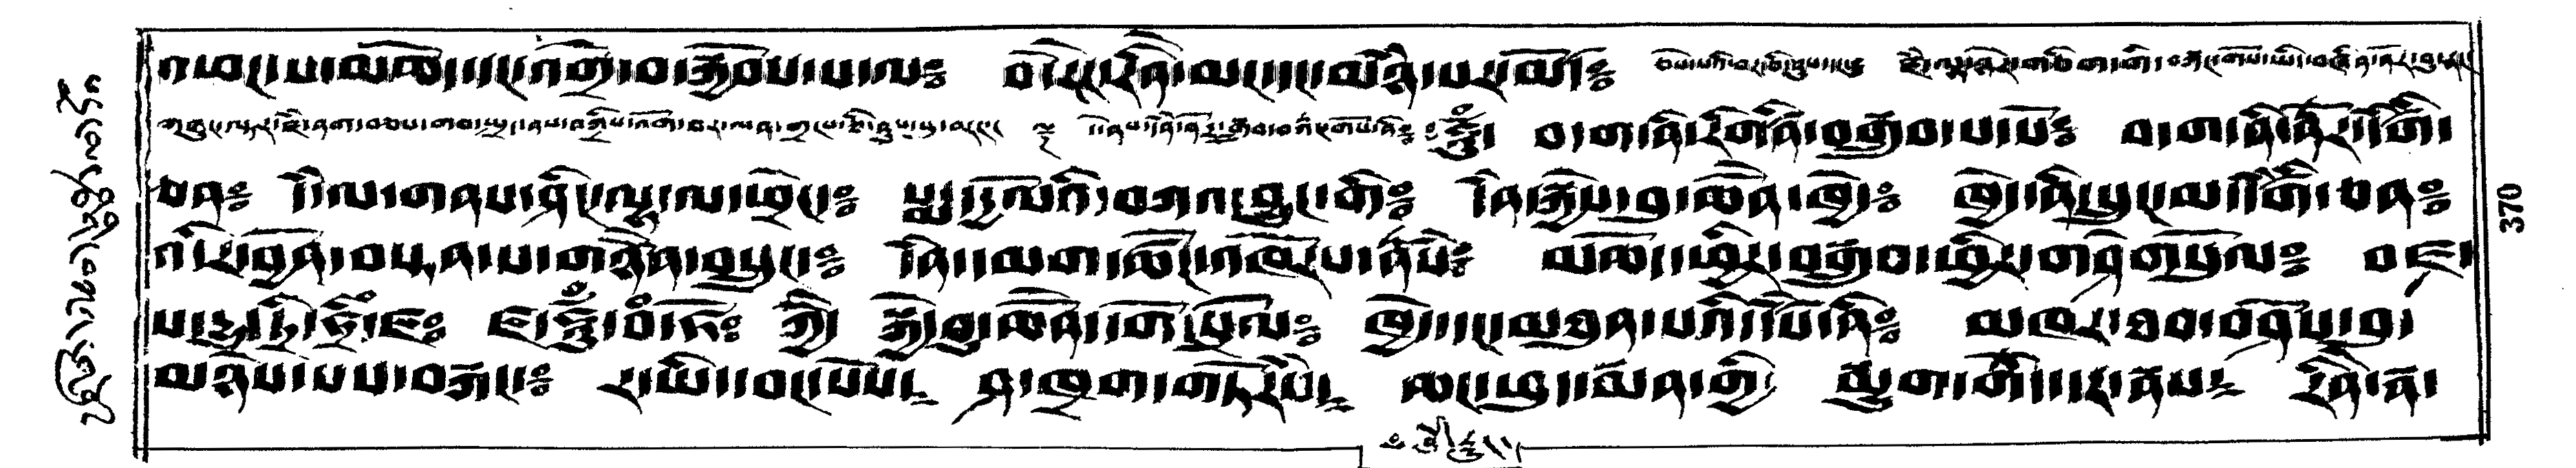འཕགས་པ་མཆོད་དང་འགྲོ་བ་སྐྱོབ་པ་ལ༔ བདེ་གཤེགས་རིན་ཆེན་མང་དང་མཉམ་པར་མཛོད༔ བཅེས་པའི་བར་་ཅི་ནུས་དང༔ ཛམ་ལ་ཉེར་གཅིག་གི་བསྐང་གསོལ་ཡིད་བཞིན་ནོར་བུ་རང་
གཞུང་ལྟར་ཛམ་ནག་བཅས་གབ་སྤྲད་ནས་བཀྲ་ཤིས་འོག་བར་ལན་གྲངས་ཅི་ནུས་སུ་བཏང་།དེ་ནས་དམ་ཅན་ནོར་སྒྲུབ་བརྐང་གསོ་ནི༔ ཧཱུྃ། བདག་ནི་རིག་འཛིན་བསྒྲུབ་པ་པོ༔ བདག་ནི་རྣལ་འབྱོར་དག་དམ་ཚིག་
ཅན༔ དམ་ལ་གནས་ཤིང་ལྷ་ལ་ཕྲེང༔ པདྨ་རྒྱལ་པོའི་བཀའ་བྱུང་གི༔ དམ་ཆེན་སྐྱེས་བུ་ཆེན་པོ་ཁྱེད༔ ཁྱེད་ནི་སྲུང་མ་དམ་ཚིག་ཅན༔ 
འདིར་བྱོན་བསྟན་པ་གཉེན་པོ་བསྲུང༔ དམ་ཆེན་དམག་ཚོགས་འཁོར་བཅས་རྣམས༔ མཆོད་ཕྱིར་བསྒྲུབ་ཕྱིར་གཤེགས་སུ་གསོལ༔ བཛྲ་
ས་དྷུ་ཏྲི་ཧྲིཾཛཿ ཛ་ཧཱུྃ་བཾ་ཧོཿ ཀྱཻཿ སྐྱེས་བུ་ཆེན་པོ་དགོངས་སུ་གསོལ༔ ཁྱེད་དང་མཐུན་པའི་དམ་རྫས་ནི༔ མཁར་ཐབས་བཤོས་བུ་
མཉེས་པས་བསྐང་། ར་ཡི་དབང་པོས༴ ཤ་ཁྲག་གཏོར་མ༴ ཆང་ཕུད་སྨན་གྱི༴ སྨྱུག་རྒོད་དར་སྣས༴ རིན་ཆེན་སྣ་